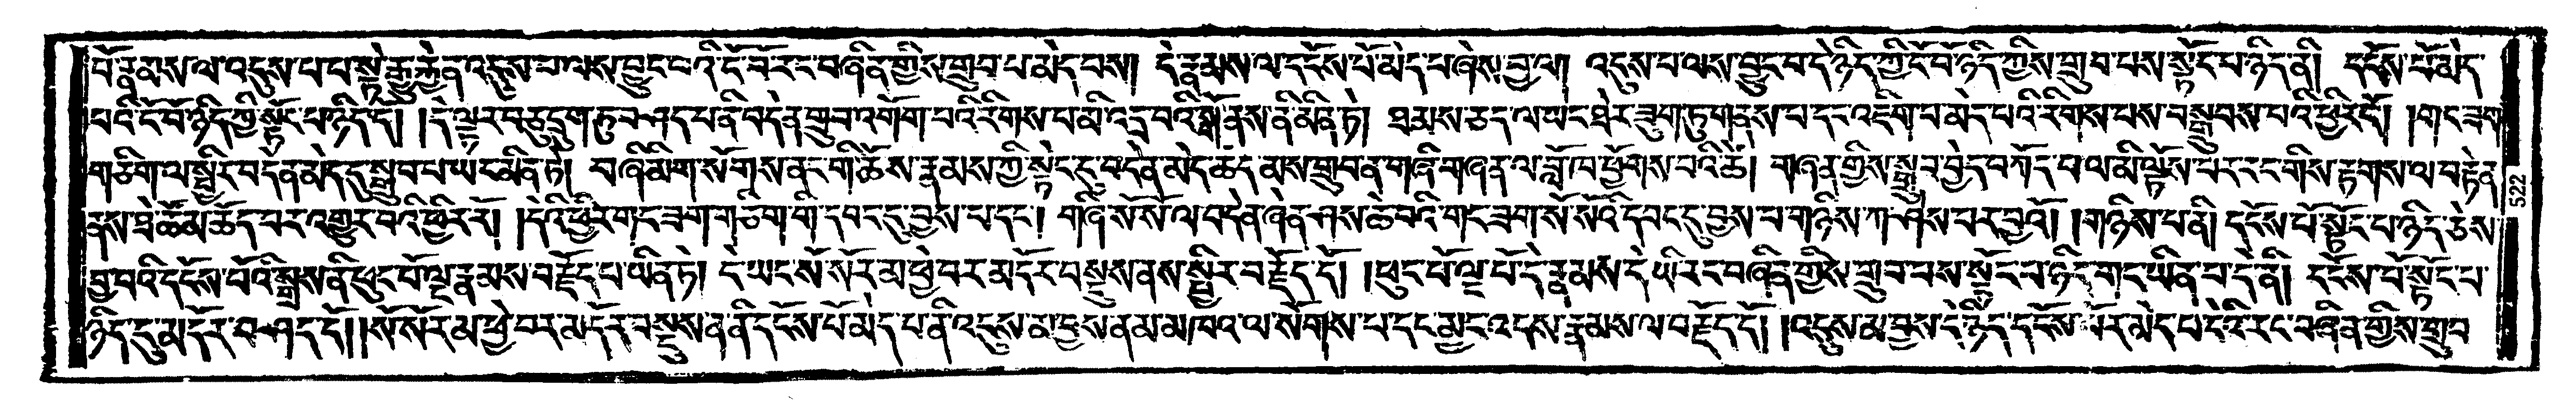པོ་རྣམས་ལ་འདུས་པ་པ་སྟེ་རྒྱུ་རྐྱེན་འདུས་པ་ལས་བྱུང་བའི་ངོ་བོ་རང་བཞིན་གྱིས་གྲུབ་པ་མེད་པས། དེ་རྣམས་ལ་དངོས་པོ་མེད་པ་ཞེས་བྱ་ལ། འདུས་པ་ལས་བྱུང་བ་དེ་ཉིད་ཀྱི་ངོ་བོ་ཉིད་ཀྱིས་གྲུབ་པས་སྟོང་པ་ཉིད་ནི། དངོས་པོ་མེད་
པའི་ངོ་བོ་ཉིད་ཀྱི་སྟོང་པ་ཉིད་དོ། །དེ་ལྟར་བཅུ་དྲུག་ཏུ་བཤད་པ་ནི་བདེན་གྲུབ་འགོག་པའི་རིགས་པ་མི་འདྲ་བའི་སྒོ་ནས་ནི་མིན་ཏེ། ཐམས་ཅད་ལ་ཡང་ཐེར་ཟུག་ཏུ་གནས་པ་དང་འཇིག་པ་མེད་པའི་རིགས་པས་བསྒྲུབས་པའི་ཕྱིར་རོ། །གང་ཟག་
གཅིག་ལ་སྤྱིར་བདེན་མེད་དུ་སྒྲུབ་པ་ཡང་མིན་ཏེ། གཞི་མིག་སོགས་ནང་གི་ཆོས་རྣམས་ཀྱི་སྟེང་དུ་བདེན་མེད་ཚད་མས་གྲུབ་ན་གཞི་གཞན་ལ་བློ་ཁ་ཕྱོགས་པའི་ཚེ། གཞན་གྱིས་སྒྲུབ་བྱེད་བཀོད་པ་ལ་མི་ལྟོས་པར་རང་གིས་རྟགས་ལ་བརྟེན་
ནས་ཐེ་ཚོམ་ཆོད་པར་འགྱུར་བའི་ཕྱིར་རོ། །དེའི་ཕྱིར་གང་ཟག་གཅིག་གི་དབང་དུ་བྱས་པ་དང་། གཞི་སོ་སོ་ལ་བདེན་ཞེན་ཤས་ཆེ་བའི་གང་ཟག་སོ་སོའི་དབང་དུ་བྱས་པ་གཉིས་ཀ་ཤེས་པར་བྱའོ། །གཉིས་པ་ནི། དངོས་པོ་སྟོང་པ་ཉིད་ཅེས་
བྱ་བའི་དངོས་པོའི་སྒྲས་ནི་ཕུང་པོ་ལྔ་རྣམས་བརྗོད་པ་ཡིན་ཏེ། དེ་ཡང་སོ་སོར་མ་ཕྱེ་བར་མདོར་བསྡུས་ནས་སྤྱིར་བརྗོད་དོ། །ཕུང་པོ་ལྔ་པོ་དེ་རྣམས་དེ་ཡི་རང་བཞིན་གྱིས་གྲུབ་པས་སྟོང་པ་ཉིད་གང་ཡིན་པ་དེ་ནི། དངོས་པོ་སྟོང་པ་
ཉིད་དུ་མདོར་བཤད་དོ། །སོ་སོར་མ་ཕྱེ་བར་མདོར་བསྡུས་ན་ནི་དངོས་པོ་མེད་པ་ནི་འདུས་མ་བྱས་ནམ་མཁའ་ལ་སོགས་པ་དང་མྱང་འདས་རྣམས་ལ་བརྗོད་དོ། །འདུས་མ་བྱས་དེ་ཉིད་དངོས་པོར་མེད་པ་དེའི་རང་བཞིན་གྱིས་གྲུབ་